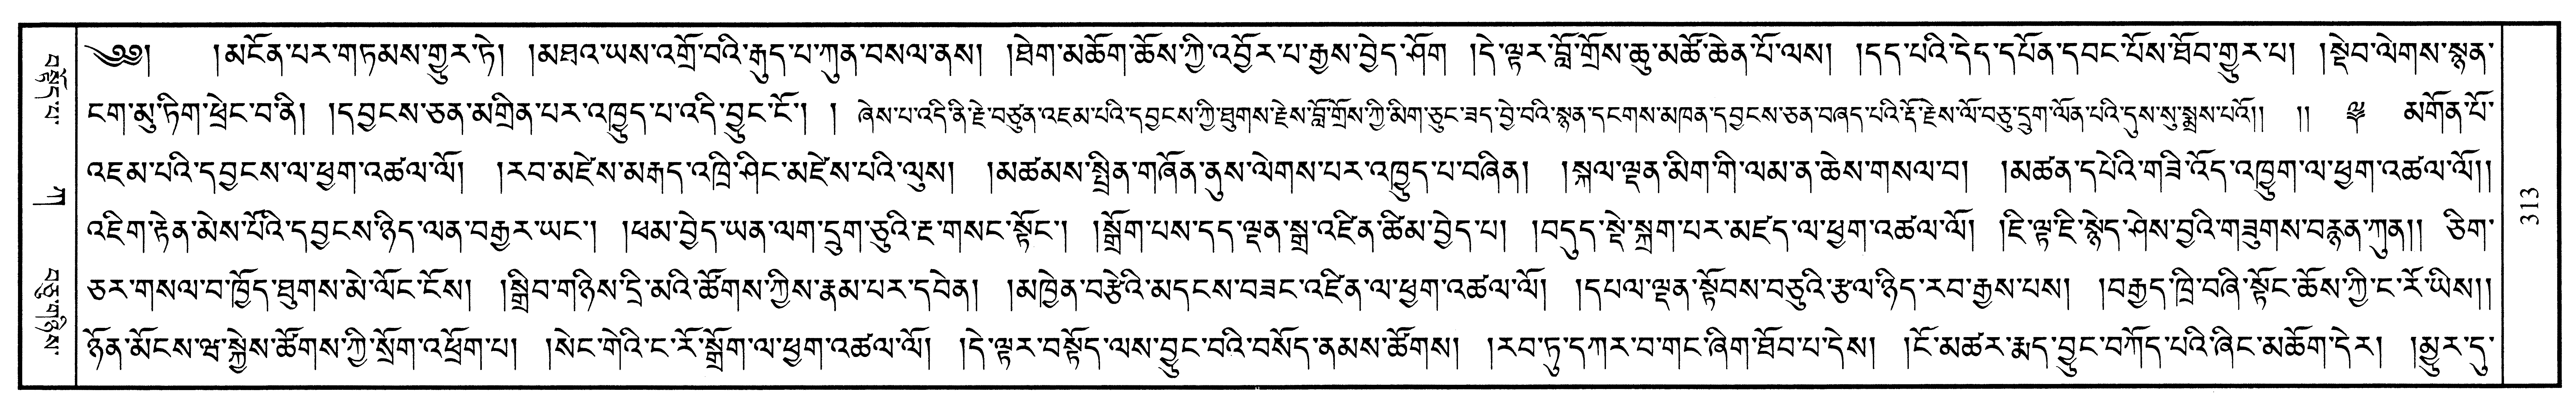༄༅། །མངོན་པར་གཏམས་གྱུར་ཏེ། །མཐའ་ཡས་འགྲོ་བའི་རྒུད་པ་ཀུན་བསལ་ནས། །ཐེག་མཆོག་ཆོས་ཀྱི་འབྱོར་པ་རྒྱས་བྱེད་ཤོག །དེ་ལྟར་བློ་གྲོས་ཆུ་མཚོ་ཆེན་པོ་ལས། །དད་པའི་དེད་དཔོན་དབང་པོས་ཐོབ་གྱུར་པ། །སྡེབ་ལེགས་སྙན་
ངག་མུ་ཏིག་ཕྲེང་བ་ནི། །དབྱངས་ཅན་མགྲིན་པར་འཁྱུད་པ་འདི་བྱུང་ངོ། །ཞེས་པ་འདི་ནི་རྗེ་བཙུན་འཇམ་པའི་དབྱངས་ཀྱི་ཐུགས་རྗེས་བློ་གྲོས་ཀྱི་མིག་ཅུང་ཟད་བྱེ་བའི་སྙན་དངགས་མཁན་དབྱངས་ཅན་བཞད་པའི་རྡོ་རྗེས་ལོ་བཅུ་དྲུག་ལོན་པའི་དུས་སུ་སྨྲས་པའོ།། །། ༈ མགོན་པོ་
འཇམ་པའི་དབྱངས་ལ་ཕྱག་འཚལ་ལོ། །རབ་མཛེས་མྲྒད་འཁྲི་ཤིང་མཛེས་པའི་ལུས། །མཚམས་སྤྲིན་གཞོན་ནུས་ལེགས་པར་འཁྱུད་པ་བཞིན། །སྐལ་ལྡན་མིག་གི་ལམ་ན་ཆེས་གསལ་བ། །མཚན་དཔེའི་གཟི་འོད་འཁྱུག་ལ་ཕྱག་འཚལ་ལོ།།
འཇིག་རྟེན་མེས་པོའི་དབྱངས་ཉིད་ལན་བརྒྱར་ཡང་། །ཕམ་བྱེད་ཡན་ལག་དྲུག་ཅུའི་རྔ་གསང་སྟོང་། །སྒྲོག་པས་དད་ལྡན་སྒྲ་འཛིན་ཚིམ་བྱེད་པ། །བདུད་སྡེ་སྐྲག་པར་མཛད་ལ་ཕྱག་འཚལ་ལོ། །ཇི་ལྟ་ཇི་སྙེད་ཤེས་བྱའི་གཟུགས་བརྙན་ཀུན།། ཅིག་
ཅར་གསལ་བ་ཁྱོད་ཐུགས་མེ་ལོང་ངོས། །སྒྲིབ་གཉིས་དྲི་མའི་ཚོགས་ཀྱིས་རྣམ་པར་དབེན། །མཁྱེན་བརྩེའི་མདངས་བཟང་འཛིན་ལ་ཕྱག་འཚལ་ལོ། །དཔལ་ལྡན་སྟོབས་བཅུའི་རྩལ་ཉིད་རབ་རྒྱས་པས། །བརྒྱད་ཁྲི་བཞི་སྟོང་ཆོས་ཀྱི་ང་རོ་ཡིས། །
ཉོན་མོངས་ཝ་སྐྱེས་ཚོགས་ཀྱི་སྲོག་འཕྲོག་པ། །སེང་གེའི་ང་རོ་སྒྲོག་ལ་ཕྱག་འཚལ་ལོ། །དེ་ལྟར་བསྟོད་ལས་བྱུང་བའི་བསོད་ནམས་ཚོགས། །རབ་ཏུ་དཀར་བ་གང་ཞིག་ཐོབ་པ་དེས། །ངོ་མཚར་རྨད་བྱུང་བཀོད་པའི་ཞིང་མཆོག་དེར། །མྱུར་དུ་